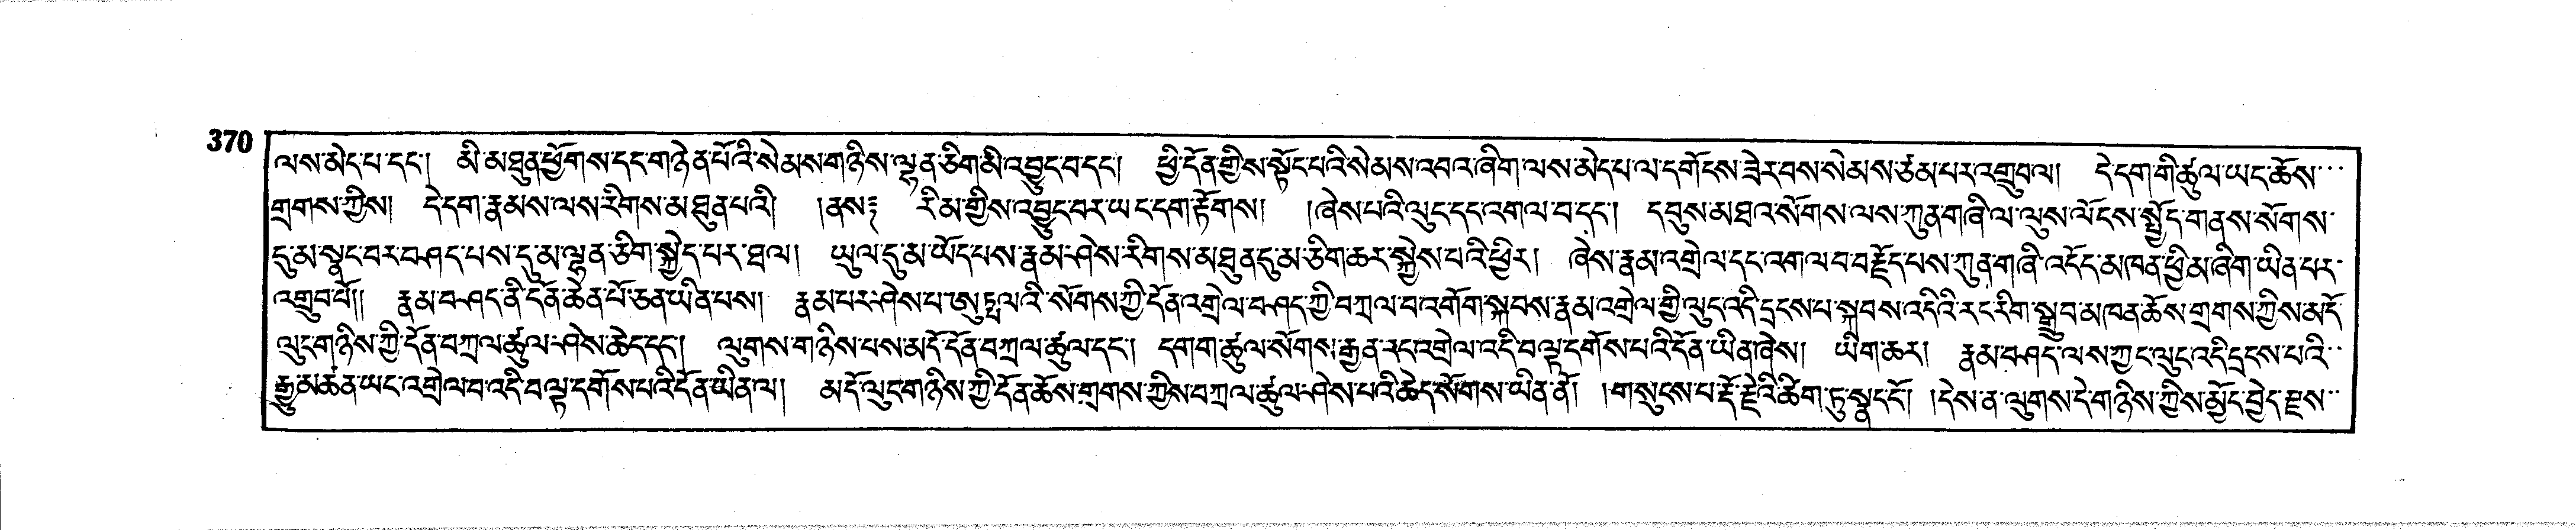ལས་མེད་པ་དང་། མི་མཐུན་ཕྱོགས་དང་གཉེན་པོའི་སེམས་གཉིས་ལྷན་ཅིག་མི་འབྱུང་བ་དང་། ཕྱི་དོན་གྱིས་སྟོང་པའི་སེམས་འབའ་ཞིག་ལས་མེད་པ་ལ་དགོངས་ཟེར་བས་སེམས་ཙམ་པར་འགྲུབ་ལ། དེ་དག་གི་ཚུལ་ཡང་ཆོས་
གྲགས་ཀྱིས། དེ་དག་རྣམས་ལས་རིགས་མཐུན་པའི། །ནས༑ རིམ་གྱིས་འབྱུང་བར་ཡང་དག་རྟོགས། །ཞེས་པའི་ལུང་དང་འགལ་བ་དང་། དབུས་མཐའ་སོགས་ལས་ཀུན་གཞི་ལ་ལུས་ལོངས་སྤྱོད་གནས་སོགས་
དུ་མ་སྣང་བར་བཤད་པས་དུ་མ་ལྷན་ཅིག་སྐྱེད་པར་ཐལ། ཡུལ་དུ་མ་ཡོད་པས་རྣམ་ཤེས་རིགས་མཐུན་དུ་མ་ཅིག་ཆར་སྐྱེས་པའི་ཕྱིར། ཞེས་རྣམ་འགྲེལ་དང་འགལ་བ་བརྗོད་པས་ཀུན་གཞི་འདོད་མཁན་ཕྱི་མ་ཞིག་ཡིན་པར་
འགྲུབ་པོ།། རྣམ་བཤད་ནི་དོན་ཆེན་པོ་ཅན་ཡིན་པས། རྣམ་པར་ཤེས་པ་ཨུཏྤལའི་སོགས་ཀྱི་དོན་འགྲེལ་བཤད་ཀྱི་བཀྲལ་བ་འགོག་སྐབས་རྣམ་འགྲེལ་གྱི་ལུང་འདི་དྲངས་པ་སྐབས་འདིའི་རང་རིག་སྒྲུབ་མཁན་ཆོས་གྲགས་ཀྱིས་མདོ་
ལུང་གཉིས་ཀྱི་དོན་བཀྲལ་ཚུལ་ཤེས་ཆེད་དང་། ལུགས་གཉིས་པས་མདོ་དོན་བཀྲལ་ཚུལ་དང་། དགག་ཚུལ་སོགས་རྒྱན་རང་འགྲེལ་འདི་བལྟ་དགོས་པའི་དོན་ཡིན་ཞེས། ཡིག་ཆར། རྣམ་བཤད་ལས་ཀྱང་ལུང་འདི་དྲངས་པའི་
རྒྱུ་མཚན་ཡང་འགྲེལ་བ་འདི་བལྟ་དགོས་པའི་དོན་ཡིན་ལ། མདོ་ལུང་གཉིས་ཀྱི་དོན་ཆོས་གྲགས་ཀྱིས་བཀྲལ་ཚུལ་ཤེས་པའི་ཆེད་སོགས་ཡིན་ནོ། །གསུངས་པ་རྡོ་རྗེའི་ཚིག་ཏུ་སྣང་ངོ། །དེས་ན་ལུགས་དེ་གཉིས་ཀྱིས་མྱོང་བྱེད་རྫས་